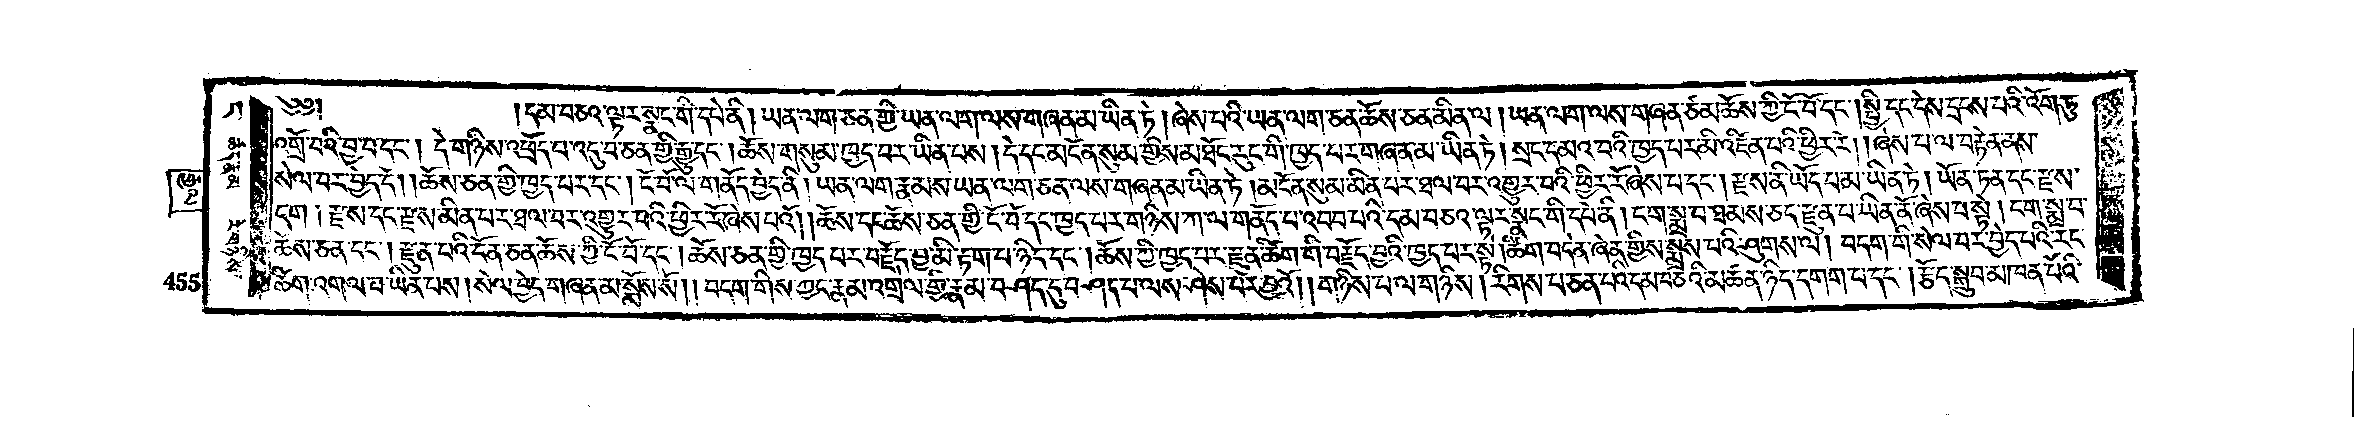༄༅། །དམ་བཅའ་ལྟར་སྣང་གི་དཔེ་ནི། ཡན་ལག་ཅན་གྱི་ཡན་ལག་ལས་གཞན་མ་ཡིན་ཏེ། ཞེས་པའི་ཡན་ལག་ཅན་ཆོས་ཅན་མིན་ལ། ཡན་ལག་ལས་གཞན་ཙམ་ཆོས་ཀྱི་ངོ་བོ་དག། སྤྱི་དང་དེས་དྲངས་པའི་འོག་ཏུ་
འགྲོ་བའི་བྱ་བ་དང་། དེ་གཉིས་འཕྲོད་པ་འདུ་བ་ཅན་གྱི་རྒྱུ་དང་། ཆོས་གསུམ་ཁྱད་པར་ཡིན་པས། དེ་དང་མངོན་སུམ་གྱིས་མཐོང་རུང་གི་ཁྱད་པར་གཞན་མ་ཡིན་ཏེ། སྲང་དམའ་བའི་ཁྱད་པར་མི་འཛིན་པའི་ཕྱིར་རོ། །ཞེས་པ་ལ་བརྟེན་ནས་
སེལ་བར་བྱེད་དོ། །ཆོས་ཅན་གྱི་ཁྱད་པར་དང་། ངོ་བོ་ལ་གནོད་བྱེད་ནི། ཡན་ལག་རྣམ་ཡན་ལག་ཅན་ལས་གཞན་མ་ཡིན་ཏེ། མངོན་སུམ་མིན་པར་ཐལ་པར་འགྱུར་བའི་ཕྱིར་རོ་ཞེས་པ་དང་། རྫས་ནི་ཡོད་པ་མ་ཡིན་ཏེ། ཡོན་ཏན་དང་རྫས་
དག །རྫས་དང་རྫས་མིན་པར་ཐལ་བར་འགྱུར་བའི་ཕྱིར་རོ་ཞེས་པའོ། །ཆོས་དང་ཆོས་ཅན་གྱི་ངོ་བོ་དང་ཁྱད་པར་གཉི་ཀ་ལ་གནོད་པ་འབབ་པའི་དམ་བཅའ་ལྟར་སྣང་གི་དཔེ་ནི། ངག་སྨྲ་བ་ཐམས་ཅད་རྫུན་པ་ཡིན་ནོ་ཞེས་པ་སྟེ། ངག་སྨྲ་བ་
ཆོས་ཅན་དང་། རྫུན་པའི་དོན་ཅན་ཆོས་ཀྱི་ངོ་བོ་དང་། ཆོས་ཅན་གྱི་ཁྱད་པར་བརྗོད་བྱ་མི་རྟག་པ་ཉིད་དག། ཆོས་ཀྱི་ཁྱད་པར་རྫུན་ཚིག་གི་བརྗོད་བྱའི་ཁྱད་པར་སྟེ། ཚིག་བདེན་ཞེན་གྱིས་སྨྲས་པའི་ཤུགས་ལ། བདག་གི་སེལ་བར་བྱེད་པའི་རང་
ཚིག་འགལ་བ་ཡིན་པས། སེལ་བྱེད་གཞན་མ་སྨོས་སོ། །བདག་གིས་ཀྱང་རྣམ་འགྲེལ་གྱི་རྣམ་བཤད་དུ་བཤད་པ་ལས་ཤེས་པར་བྱའོ། །གཉིས་པ་ལ་གཉིས། རིགས་པ་ཅན་པའི་དམ་བཅའི་མཚན་ཉིད་དགག་པ་དག། རྩོད་སྒྲུབ་མཁན་པོའི་